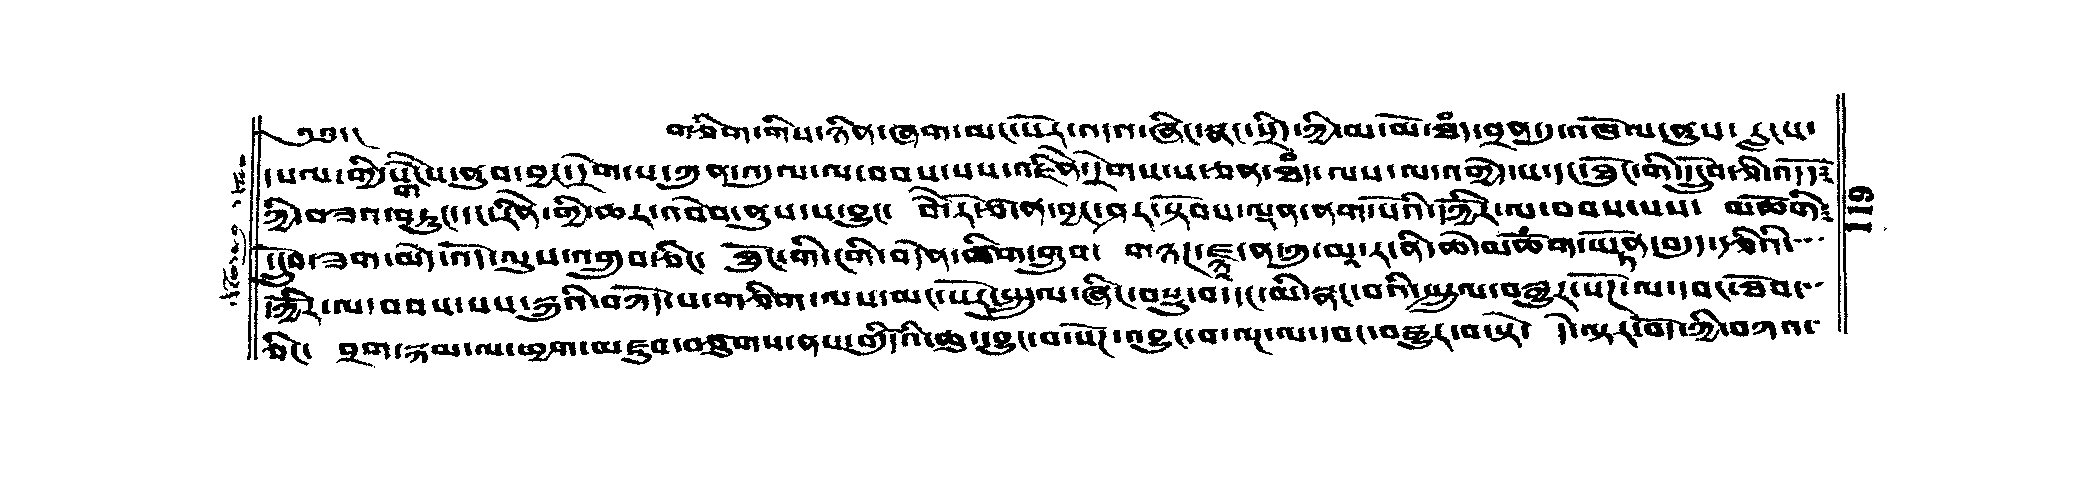གཅིག་གིས་ཉིན་ཞག་མང་པོར་འདའ་ཞིང་སྣང་སྲིད་ཀྱི་མ་མོ་ཐམས་ཅད་བྲན་དུ་འཁོལ་ནུས། རླུངས་
དཔལ་གྱི་སེངྒེས་ནུབ་བྱང་དྲེག་པ་ཀུན་འདུལ་ལ་བབས་པས་འཇིག་རྟེན་དྲེགས་པ་ཅན་ཐམས་ཅད་ལས་ལ་འགྱེད་པ་དང་ཐུན་མོང་གི་དངོས་གྲུབ་ཅི་འདོད་
ཀྱི་བཟའ་བཏུང་དང་རིན་ཆེན་གྱི་ཆར་འབེབ་ནུས་པར་བྱུང་། བཻ་རོ་ཙ་ན་བྱང་ཤར་སྟོབས་ལྡན་ནག་པོའི་དཀྱིལ་འཁོར་ལ་བབས་པས། མཆོག་གི་
དངོས་གྲུབ་ཟག་མེད་འོད་ལུས་འགྲུབ་ཅིང་། ཐུན་མོང་གི་ངག་གི་བདེན་ཚིག་གྲུབ། གཉགས་ཛྙཱ་ན་ཀུ་མཱ་ར་ནི་ཆེ་མཆོག་ཡོན་ཏན་བདུད་རྩིའི་
དཀྱིལ་འཁོར་ལ་བབས་པས་སྐུའི་བཀོད་པ་གཅིག་ལས་མང་པོར་སྤྲུལ་ཞིང་བསྡུ་བ་དང་མི་སྣང་བའི་སྤྲུལ་བསྒྱུར་སོགས་ལ་དབང་ཐོབ་
ཅིང་། བྲག་སྐམ་ལ་ཕྱག་མཛུབ་བཙུགས་ནས་བདུད་རྩིའི་ཆུ་དབྱུང་བ་ལྔ་ལ་དབང་བསྒྱུར་བ་སྟེ། དེ་ལྟར་བོད་ཀྱི་བཀའ་